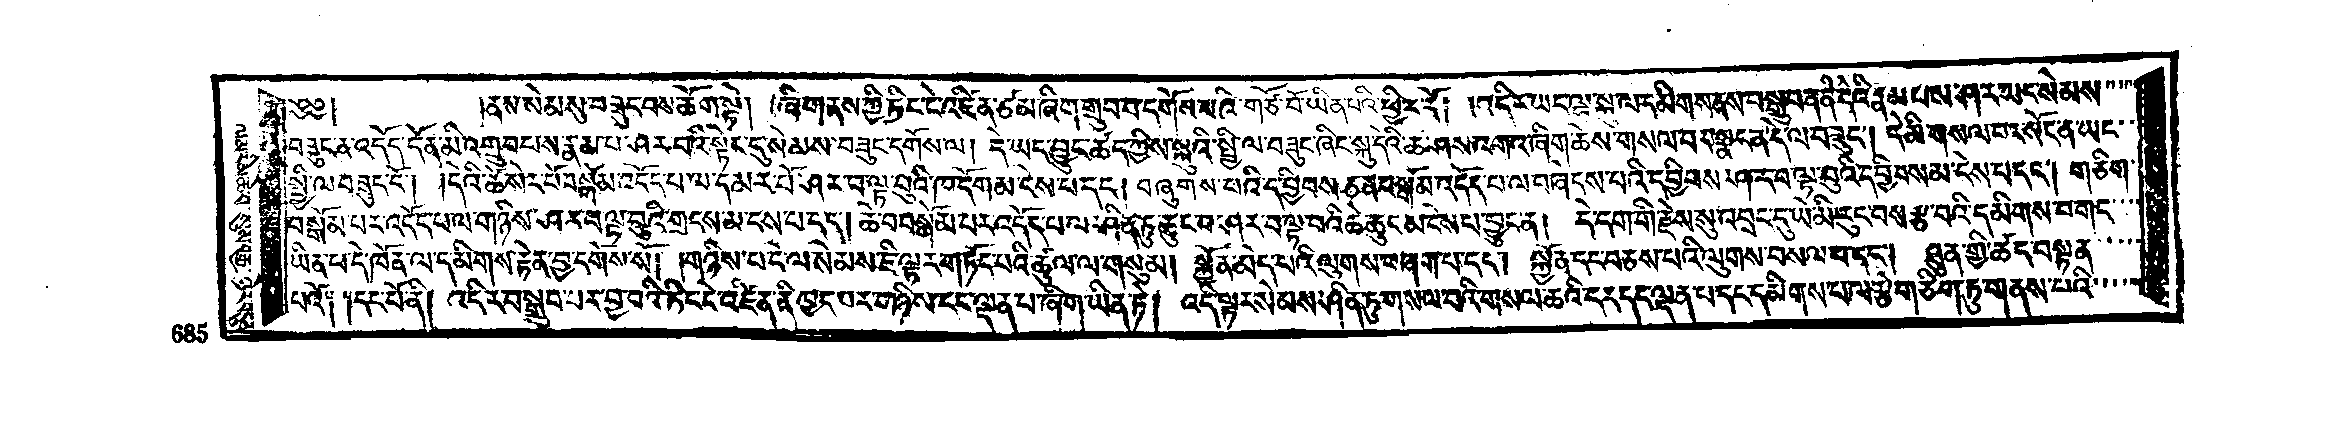༄༅། །ནས་སེམས་བཟུང་བས་ཆོག་སྟེ། ཞི་གནས་ཀྱི་ཏིང་ངེ་འཛིན་ཙམ་ཞིག་གྲུབ་པ་དགོས་པའི་གཙོ་བོ་ཡིན་པའི་ཕྱིར་རོ། །འདིར་ཡང་ལྷ་སྐུ་ལ་དམིགས་ནས་བསྒྲུབ་ན་ནི་དེའི་རྣམ་པ་མ་ཤར་ཡང་སེམས་
བཟུང་ན་འདོད་དོན་མི་འགྲུབ་པས་རྣམ་པ་ཤར་བའི་སྟེང་དུ་སེམས་བཟུང་དགོས་ལ། དེ་ཡང་བྱུང་ཚད་ཀྱིས་སྐུའི་སྤྱི་ལ་བཟུང་ཞིང་སྐུ་དེའི་ཆ་ཤས་འགའ་ཞིག་ཆེས་གསལ་བར་སྣང་ན་དེ་ལ་བཟུང་། དེ་མི་གསལ་བར་སོང་ན་ཡང་
སྤྱི་ལ་བཟུང་ངོ། །དེའི་ཚེ་སེར་པོ་བསྒོམ་འདོད་པ་ལ་དམར་པོ་ཤར་བ་ལྟ་བུའི་ཁ་དོག་མ་ངེས་པ་དང་། བཞུགས་པའི་དབྱིབས་ཅན་བསྒོམ་འདོད་པ་ལ་བཞེངས་པའི་དབྱིབས་ཤར་བ་ལྟ་བུའི་དབྱིབས་མ་ངེས་པ་དང་། གཅིག་
བསྒོམ་པར་འདོད་པ་ལ་གཉིས་ཤར་བ་ལྟ་བུའི་གྲངས་མ་ངེས་པ་དང་། ཆེ་བ་བསྒོམ་པར་འདོད་པ་ལ་ཤིན་ཏུ་ཆུང་བ་ཤར་བ་ལྟ་བུའི་ཆེ་ཆུང་མ་ངེས་པ་བྱུང་ན། དེ་དག་གི་རྗེས་སུ་འབྲང་དུ་ཡེ་མི་རུང་བས་རྩ་བའི་དམིགས་པ་གང་
ཡིན་པ་དེ་ཁོ་ན་ལ་དམིགས་རྟེན་བྱ་དགོས་སོ། །གཉིས་པ་དེ་ལ་སེམས་ཇི་ལྟར་གཏོད་པའི་ཚུལ་ལ་གསུམ། སྐྱོན་མེད་པའི་ལུགས་བཞག་པ་དང་། སྐྱོན་དང་བཅས་པའི་ལུགས་བསལ་བ་དང་། ཐུན་གྱི་ཚད་བསྟན་
པའོ༑ ༑དང་པོ་ནི། འདིར་བསྒྲུབ་པར་བྱ་བའི་ཏིང་ངེ་འཛིན་ནི་ཁྱད་པར་གཉིས་དང་ལྡན་པ་ཞིག་ཡིན་ཏེ། འདི་ལྟར་སེམས་ཤིན་ཏུ་གསལ་བའི་གསལ་ཆའི་ངར་དང་ལྡན་པ་དང་དམིགས་པ་ལ་རྩེ་གཅིག་ཏུ་གནས་པའི་